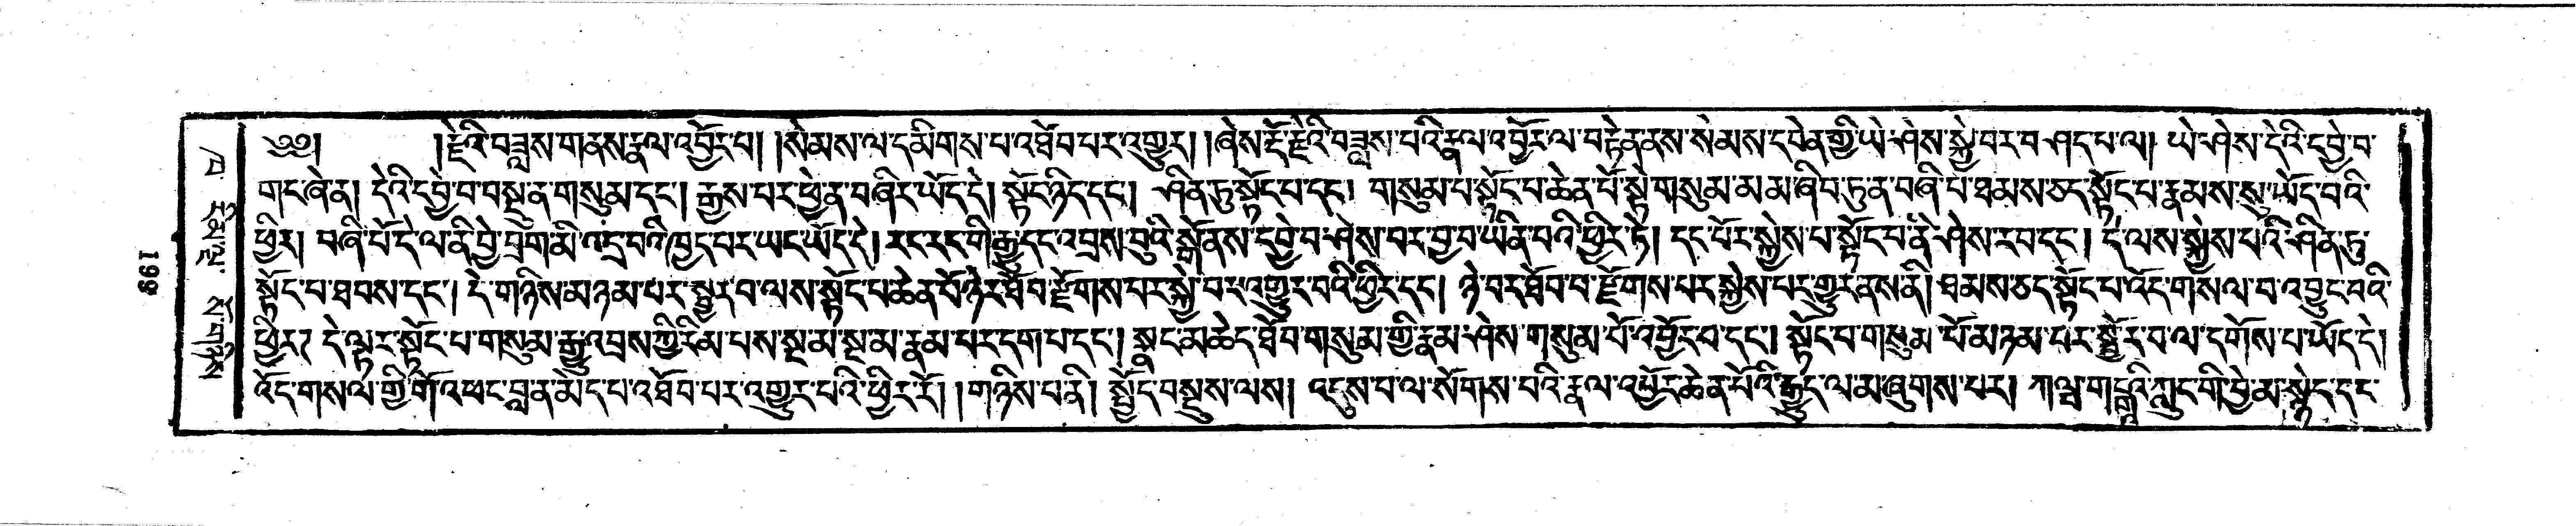༄༅། །རྗེའི་བཟླས་གནས་རྣལ་འབྱོར་པ། །སེམས་ལ་དམིགས་པ་འཐོབ་པར་འགྱུར། །ཞེས་རྡོ་རྗེའི་བཟླས་པའི་རྣལ་འབྱོར་ལ་བརྟེན་ནས་སེམས་དབེན་གྱི་ཡེ་ཤེས་སྐྱེ་བར་བཤད་པ་ལ། ཡེ་ཤེས་དེའི་དབྱེ་བ་
གང་ཞེ་ན། དེའི་དབྱེ་བ་བསྡུ་ན་གསུམ་དང་། རྒྱས་པར་ཕྱེ་ན་བཞིར་ཡོད་དེ། སྟོང་ཉིད་དང་། ཤིན་ཏུ་སྟོང་པ་དང་། གསུམ་པ་སྟོང་པ་ཆེན་པོ་སྟེ་གསུམ་མམ་ཞིབ་ཏུ་ན་བཞི་པ་ཐམས་ཅད་སྟོང་པ་རྣམས་སུ་ཡོད་པའི་
ཕྱིར། བཞི་པོ་དེ་ལ་ནི་བྱེ་བྲག་མི་འདྲ་བའི་ཁྱད་པར་ཡང་ཡོད་དེ། རང་རང་གི་རྒྱུ་དང་འབྲས་བུའི་སྒོ་ནས་དབྱེ་བ་ཤེས་པར་བྱ་བ་ཡིན་པའི་ཕྱིར་ཏེ། དང་པོར་སྐྱེས་པ་སྟོང་པ་ནི་ཤེས་རབ་དང་། དེ་ལས་སྐྱེས་པའི་ཤིན་ཏུ་
སྟོང་པ་ཐབས་དང་། དེ་གཉིས་མཉམ་པར་སྦྱར་བ་ལས་སྟོང་པ་ཆེན་པོ་ཉེར་ཐོབ་རྫོགས་པར་སྐྱེ་བར་འགྱུར་བའི་ཕྱིར་དང་། ཉེ་བར་ཐོབ་པ་རྫོགས་པར་སྐྱེས་པར་གྱུར་ནས་ནི། ཐམས་ཅད་སྟོང་པ་འོད་གསལ་བ་འབྱུང་བའི་
ཕྱིར། དེ་ལྟར་སྟོང་པ་གསུམ་རྒྱུ་འབྲས་ཀྱི་རིམ་པས་སྔ་མ་སྔ་མ་རྣམ་པར་དག་པ་དང་། སྣང་མཆེད་ཐོབ་གསུམ་གྱི་རྣམ་ཤེས་གསུམ་པོ་འབྱོར་བ་དང་། སྟོང་པ་གསུམ་པོ་མཉམ་པར་སྦྱོར་བ་ལ་དགོས་པ་ཡོད་དེ།
འོད་གསལ་གྱི་གོ་འཕང་བླ་ན་མེད་པ་འཐོབ་པར་འགྱུར་པའི་ཕྱིར་རོ། །གཉིས་པ་ནི། སྤྱོད་བསྡུས་ལས། འདུས་པ་ལ་སོགས་པའི་རྣལ་འབྱོར་ཆེན་པོའི་རྒྱུད་ལ་མ་ཞུགས་པར། ཀལྤ་གངྒཱའི་ཀླུང་གི་བྱེ་མ་སྙེད་དང་